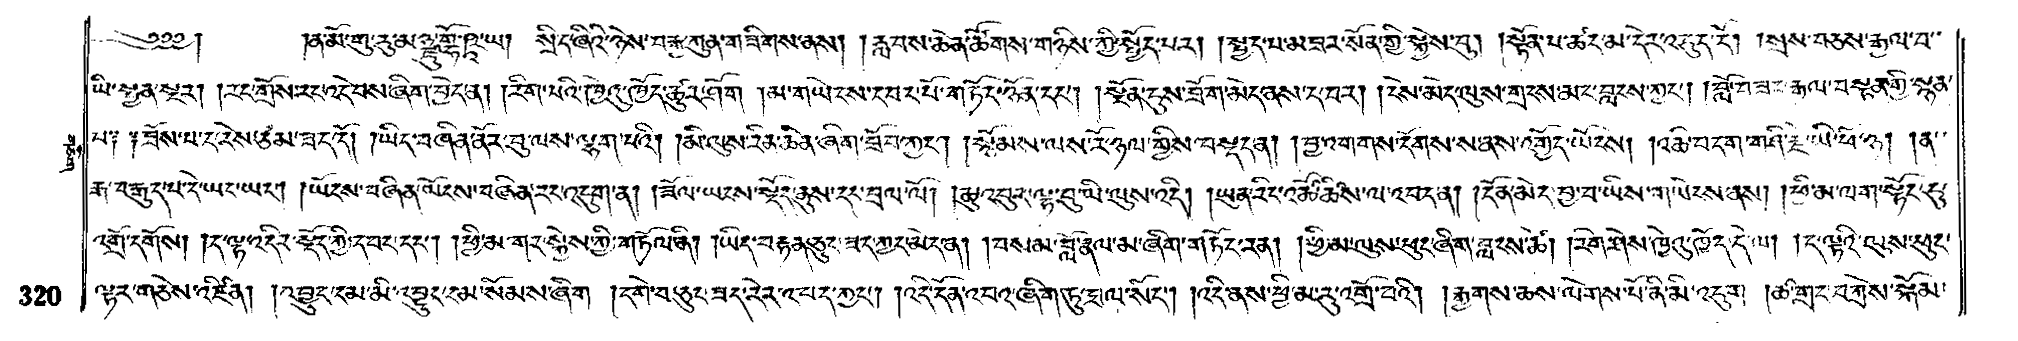༄༅༅། །ན་མོ་གུ་རུ་མཉྫུ་གྷོ་ཥཱ་ཡ། སྲིད་ཞིའི་ཉེས་བརྒྱ་ཀུན་གཟིགས་ནས། །རླབས་ཆེན་ཚོགས་གཉིས་ཀྱི་སྤྱོད་པར། །སྤྱད་པ་མཐར་སོན་གྱི་སྐྱེས་བུ། །སྟོན་པ་ཚད་མ་དེར་འདུད་དོ། །སྲས་བཅས་རྒྱལ་བ་
ཡི་སྤྱན་སྔར། །རང་གྲོས་རང་འདེབས་ཞིག་བྱེད་ན། །རིག་པའི་ཁྱེའུ་ཁྱོད་ཚུར་ཤོག །མ་གཡེངས་དབང་པོ་གཏོང་ཉོན་དང་། །སྔོན་དུས་ཐོག་མེད་ནས་ད་བར། །ངེས་མེད་ལུས་གྲངས་མང་བླངས་ཀྱང་། །བློ་བཟང་རྒྱལ་བསྟན་གྱི་སྙན་
པ༑ ༑ཐོས་པ་ང་རེས་ཙམ་ཟད་དོ། །ཡིད་བཞིན་ནོར་བུ་ལས་ལྷག་པའི། །མི་ལུས་རིན་ཆེན་ཞིག་ཐོབ་ཀྱང་། །སྙོམས་ལས་རོ་ཉལ་གྱིས་བསྡད་ན། །བྱ་འགགས་དོགས་ས་ནས་འགྱོད་ཡོངས། །འཆི་བདག་གཤི་རྗེ་ཡི་ཕོ་ཉ། །ན་
རྒ་བརྒུད་པ་དེ་ཡང་ཡང་། །ཡོངས་བཞིན་ཡོངས་བཞིན་རང་འདུག་ན། །ཟོལ་ཡངས་སྡོད་ནུས་དང་བྲལ་ལོ། །ཆུ་འབུར་ལྟ་བུ་ཡི་ལུས་འདི། །ཡུན་རིང་འཚོ་ཚིས་ལ་འབད་ན། །དོན་མེད་བྱ་བ་ཡིས་གཡེངས་ནས། །ཕྱི་མ་ལག་སྟོང་དུ་
འགྲོ་དགོས། །ད་ལྟ་འདིར་སྡོད་ཀྱི་དབང་དང་། །ཕྱི་མ་གར་སྐྱེས་ཀྱི་གཏོལ་ནི། །ཡིད་བརྟན་ཅུང་ཟད་ཀྱང་མེད་ན། །བསམ་བློ་རྣལ་མ་ཞིག་གཏོང་རན། །ཕྱི་མ་ལུས་ཕུང་ཞིག་བླངས་ཚེ། །རིག་ཤེས་ཁྱེའུ་ཁྱོད་དེ་ལ། །ད་ལྟའི་ལུས་ཕུང་
ལྟར་གཅེས་འཛིན། །འབྱུང་ངམ་མི་འབྱུང་ངམ་སོམས་ཞིག །དགེ་བ་ཅུང་ཟད་རེར་འབད་ཀྱང་། །འདི་དོན་འབའ་ཞིག་ཏུ་ཐལ་སོང་། །འདི་ནས་ཕྱི་མ་རུ་འགྲོ་བའི། །རྒྱགས་ཆས་ལེགས་པོ་ནི་མི་འདུག །ཚ་གྲང་བཀྲེས་སྐོམ་